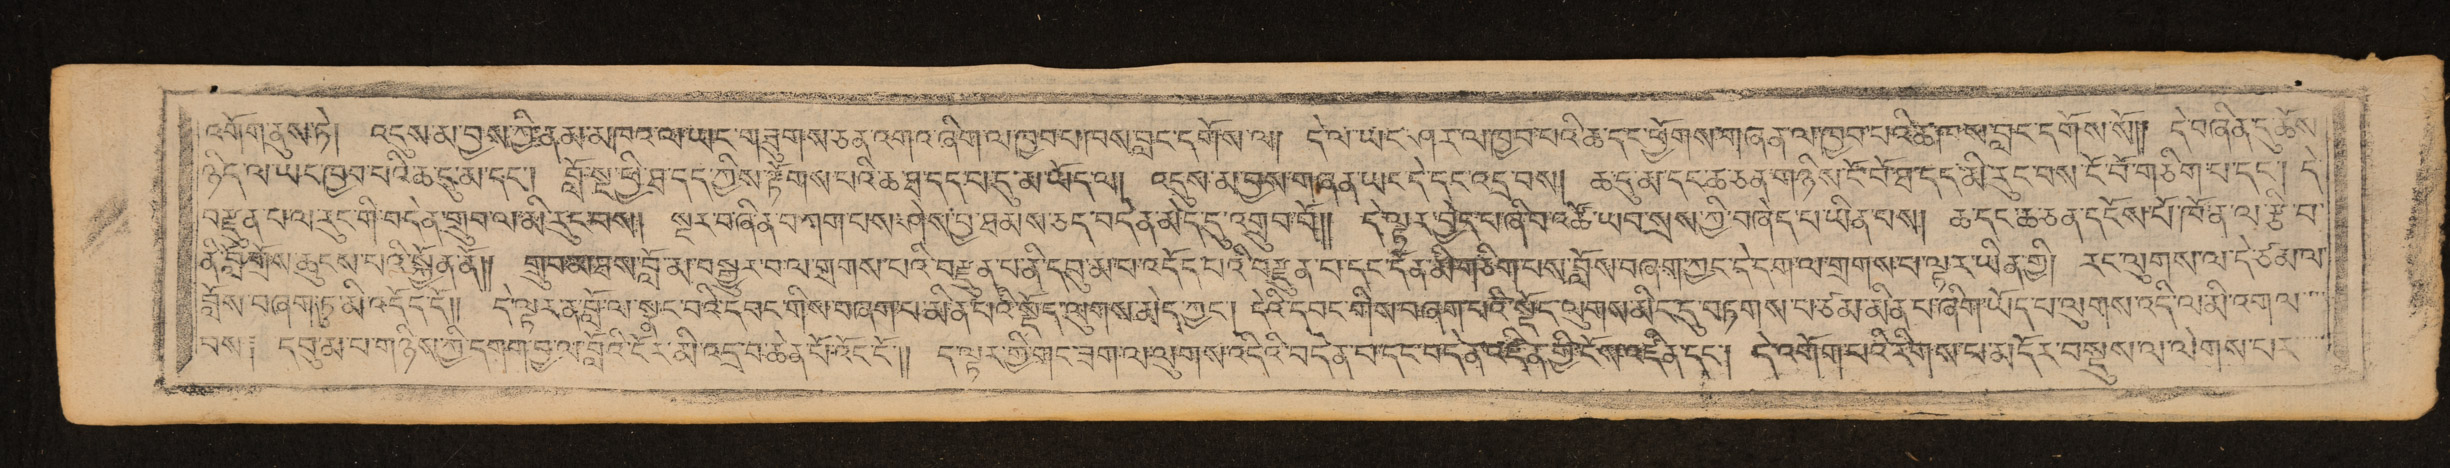འགོག་ནུས་ཏེ། འདུས་མ་བྱས་ཀྱི་ནམ་མཁའ་ལ་ཡང་གཟུགས་ཅན་འགའ་ཞིག་ལ་ཁྱབ་པ་ཁས་བླང་དགོས་ལ། དེ་ལ་ཡང་ཤར་ལ་ཁྱབ་པའི་ཆ་དང་ཕྱོགས་གཞན་ལ་ཁྱབ་པའི་ཆ་ཁས་བླང་དགོས་སོ།། དེ་བཞིན་དུ་ཆོས་
ཉིད་ལ་ཡང་ཁྱབ་པའི་ཆ་དུ་མ་དང་། བློ་སྔ་ཕྱི་ཐ་དད་ཀྱིས་རྟོགས་པའི་ཆ་ཐ་དད་པ་དུ་མ་ཡོད་ལ། འདུས་མ་བྱས་གཞན་ཡང་དེ་དང་འདྲ་བས། ཆ་དུ་མ་དང་ཆ་ཅན་གཉིས་ངོ་བོ་ཐ་དད་མི་རུང་བས་ངོ་བོ་གཅིག་པ་དང་། དེ་
བརྫུན་པ་ལ་རུང་གི་བདེན་གྲུབ་ལ་མི་རུང་བས། སྔར་བཞིན་བཀག་པས་ཤེས་བྱ་ཐམས་ཅད་བདེན་མེད་དུ་འགྲུབ་བོ།། དེ་ལྟར་བྱེད་པ་ཞི་བ་འཚོ་ཡབ་སྲས་ཀྱི་བཞེད་པ་ཡིན་པས། ཆ་དང་ཆ་ཅན་དངོས་པོ་ཁོ་ན་ལ་རྩི་བ་
ནི་བློ་གྲོས་ཆུངས་པའི་སྐྱོན་ནོ།། གྲུབ་མཐས་བློ་མ་བསྒྱུར་བ་ལ་གྲགས་པའི་བརྫུན་པ་ནི་དབུ་མ་པ་འདོད་པའི་བརྫུན་པ་དང་དོན་མི་གཅིག་པས་བློས་བཞག་ཀྱང་དེ་དག་ལ་གྲགས་པ་ལྟར་ཡིན་གྱི། རང་ལུགས་ལ་དེ་ཙམ་ལ་
བློས་བཞག་ཏུ་མི་འདོད་དོ།། དེ་ལྟར་ན་བློ་ལ་སྣང་བའི་དབང་གིས་བཞག་པ་མིན་པའི་སྡོད་ལུགས་མེད་ཀྱང་། དེའི་དབང་གིས་བཞག་པའི་སྡོད་ལུགས་མིང་དུ་བཏགས་པ་ཙམ་མིན་པ་ཞིག་ཡོད་པ་ལུགས་འདི་ལ་མི་འགལ་
བས༑ དབུ་མ་པ་གཉིས་ཀྱི་དགག་བྱ་ལ་བློའི་ངོར་མི་འདྲ་བ་ཆེན་པོ་འོང་ངོ།། དེ་ལྟར་གྱི་གང་ཟག་ལ་ལུགས་འདིའི་བདེན་པ་དང་བདེན་འཛིན་གྱི་ངོས་འཛིན་དང་། དེ་འགོག་པའི་རིགས་པ་མདོར་བསྡུས་ལ་ལེགས་པར་